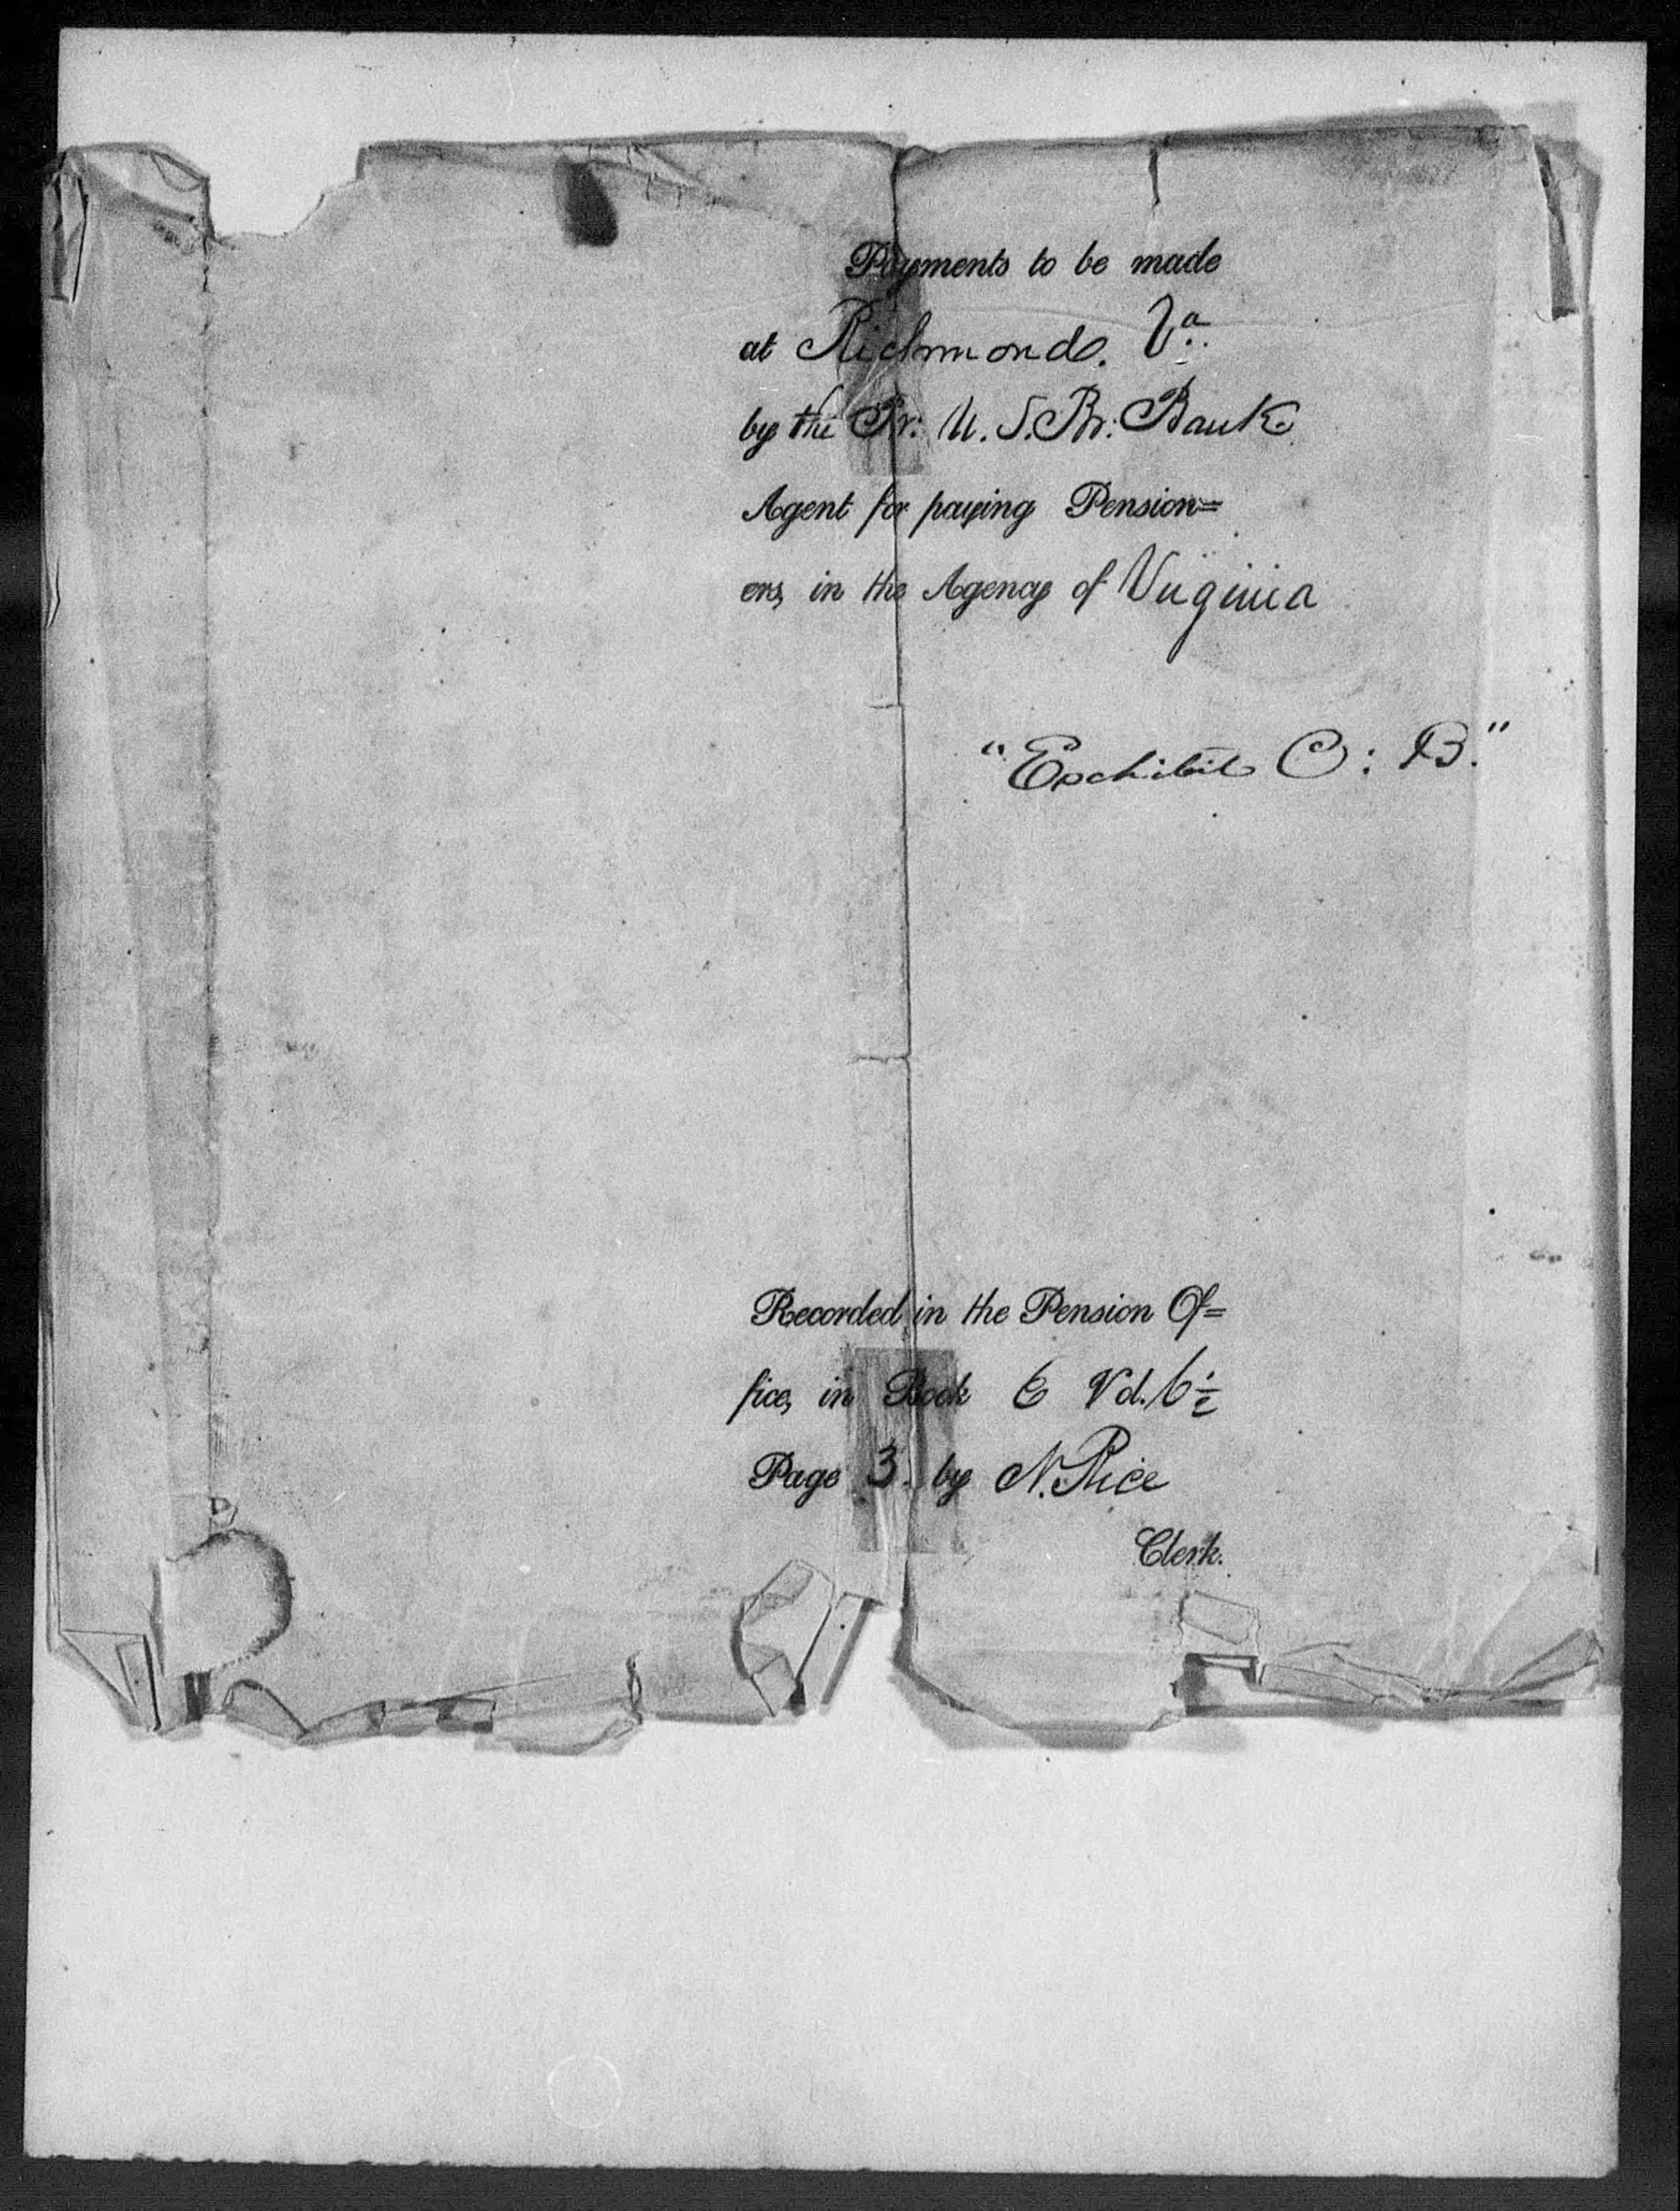Payments to be made at Richmond Va by the [illegible] S. R. Rauk Agent for paying Pensioners in the Agency of Virginia

"Exhibit C: B."

Recorded in the Pension Office, in Book E Vol. 6½ Page 3 by N. Rice Clerk.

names: N Rice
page: 42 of 71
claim: widow's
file: W. 25310, Claudius Buster, Va.